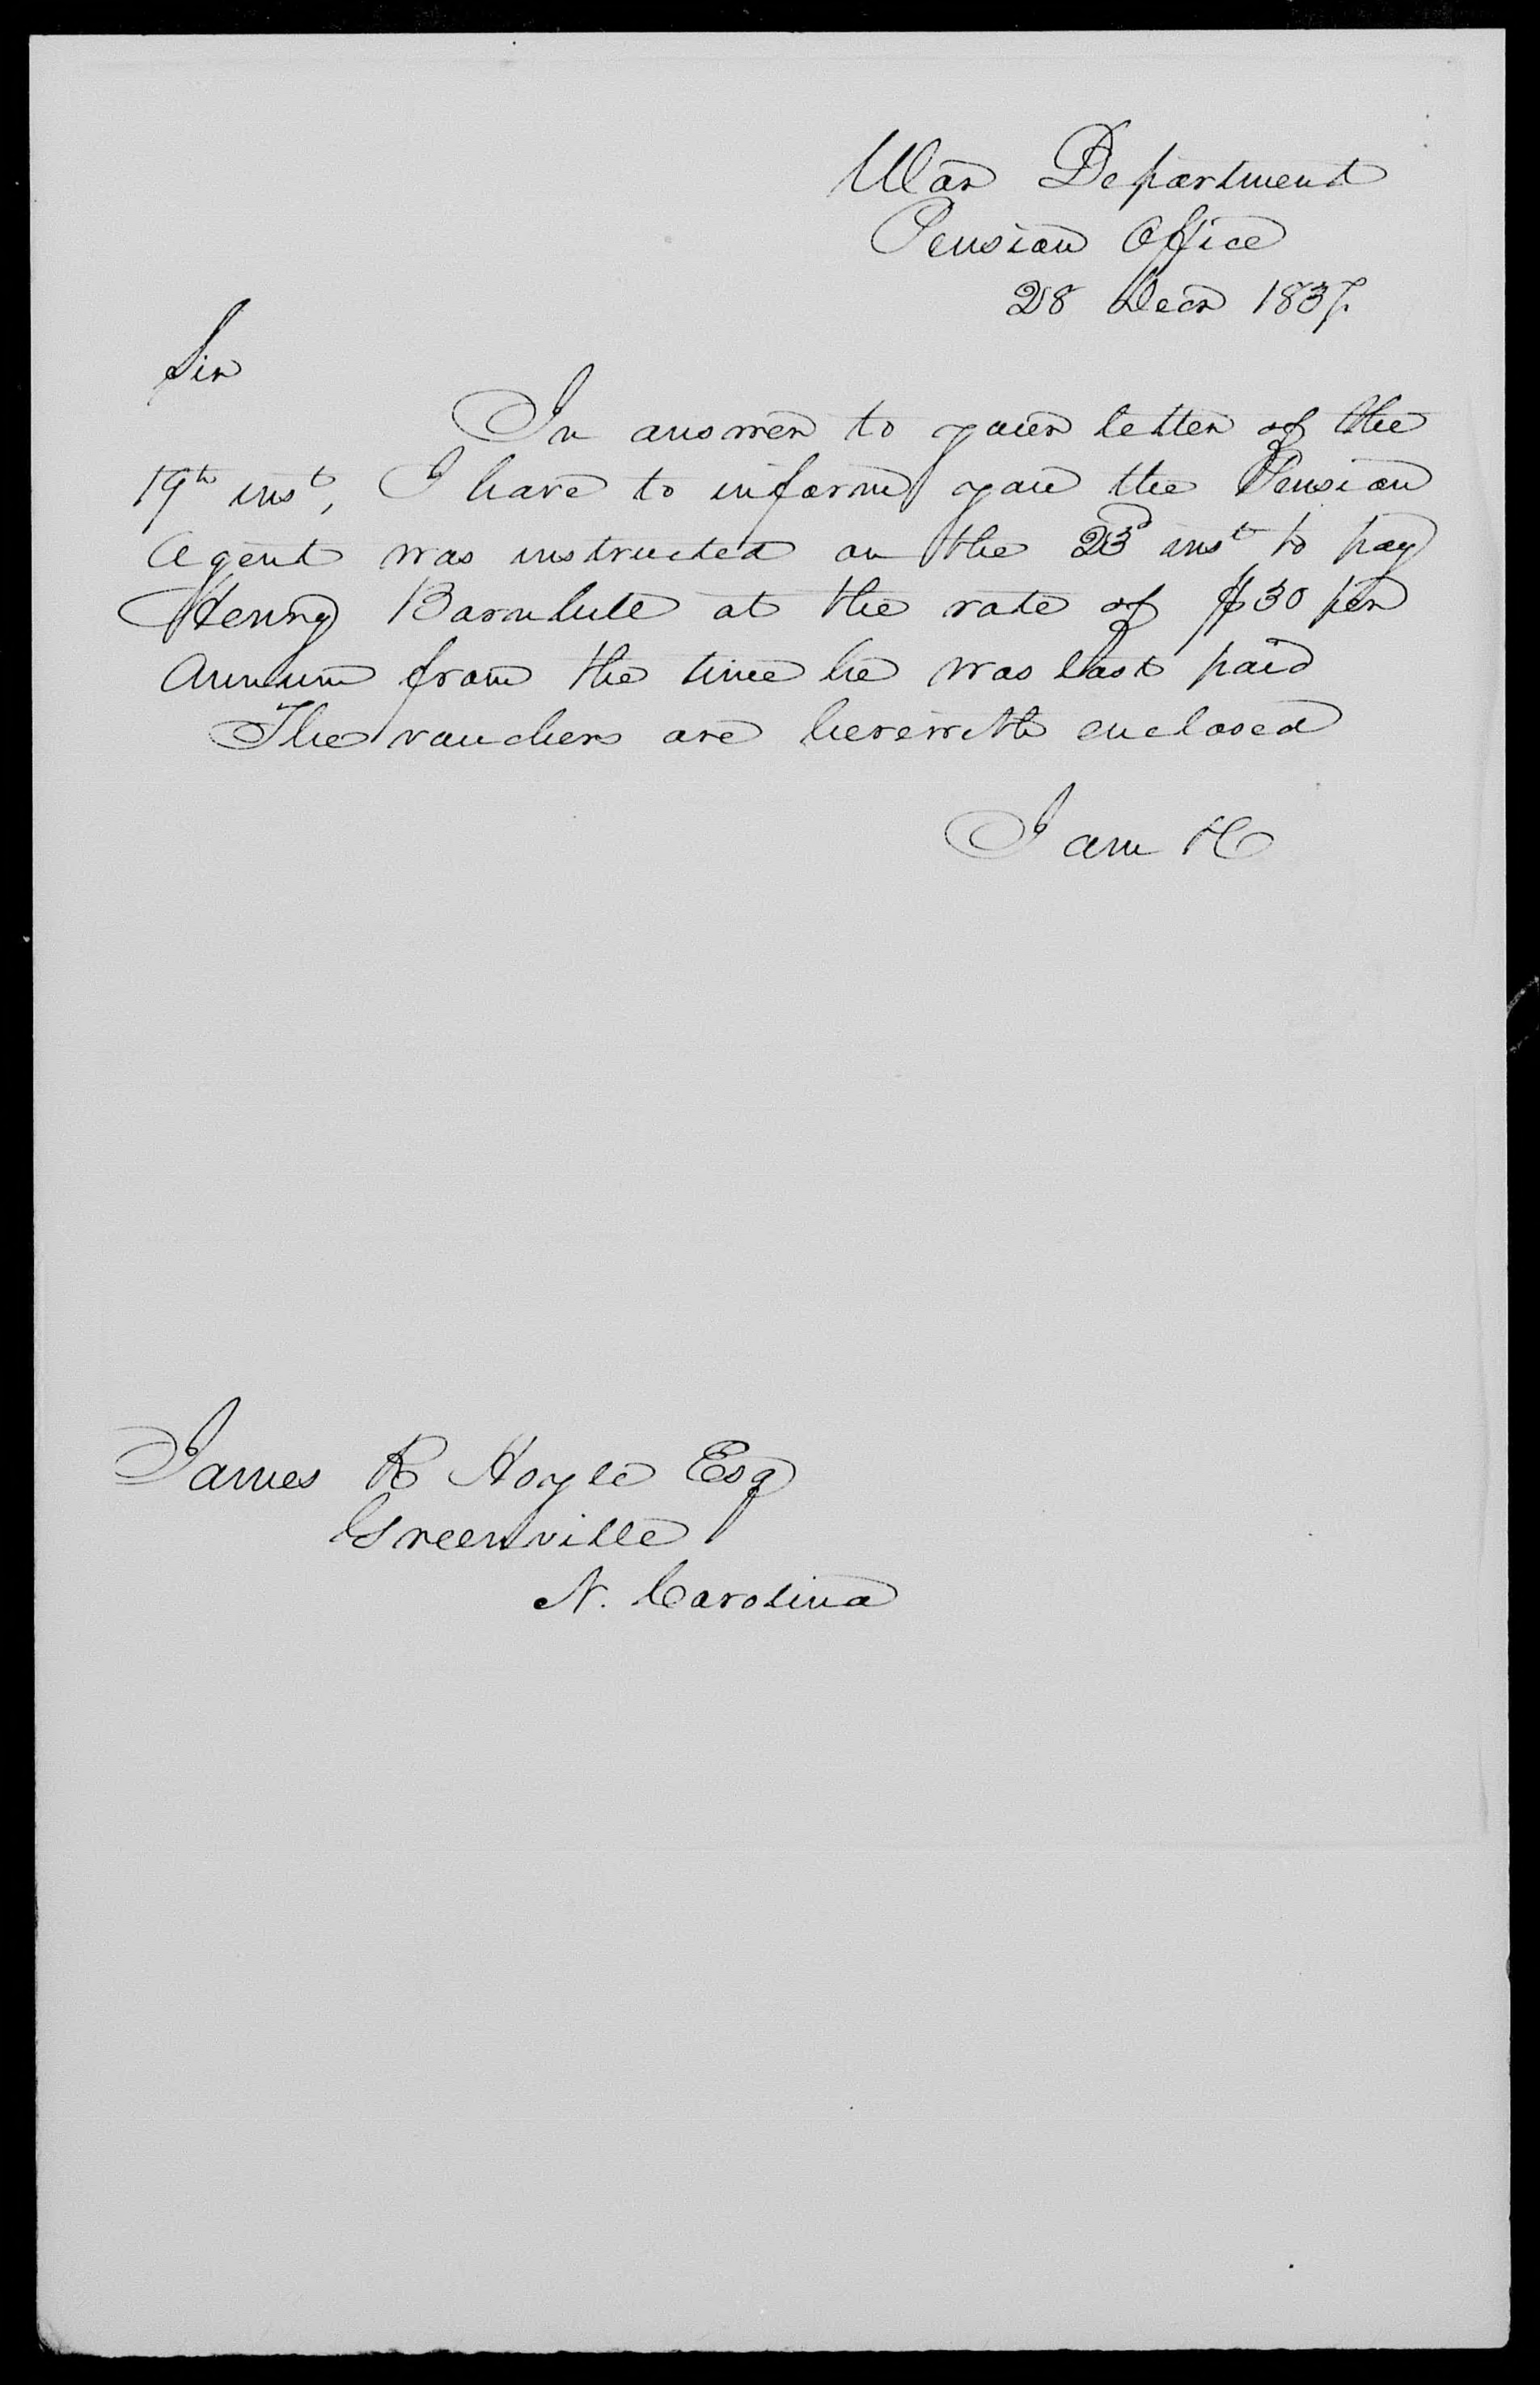War Department
Pension Office
28 Decr 1837.

Sir
In answer to your letter of the 19th inst, I have to inform you the Pension agent was instructed on the 23d inst to pay Henry Barnhill at the rate of $30 per annum from the time he was last paid 

The vouchers are herewith enclosed

I am &c




James R Hoyle Esq
Greenville 
N. Carolina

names: James R Hoyle, Henry Barnhill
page: 30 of 42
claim: survivor's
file: S. 6579, Henry Barnhill, N. C.